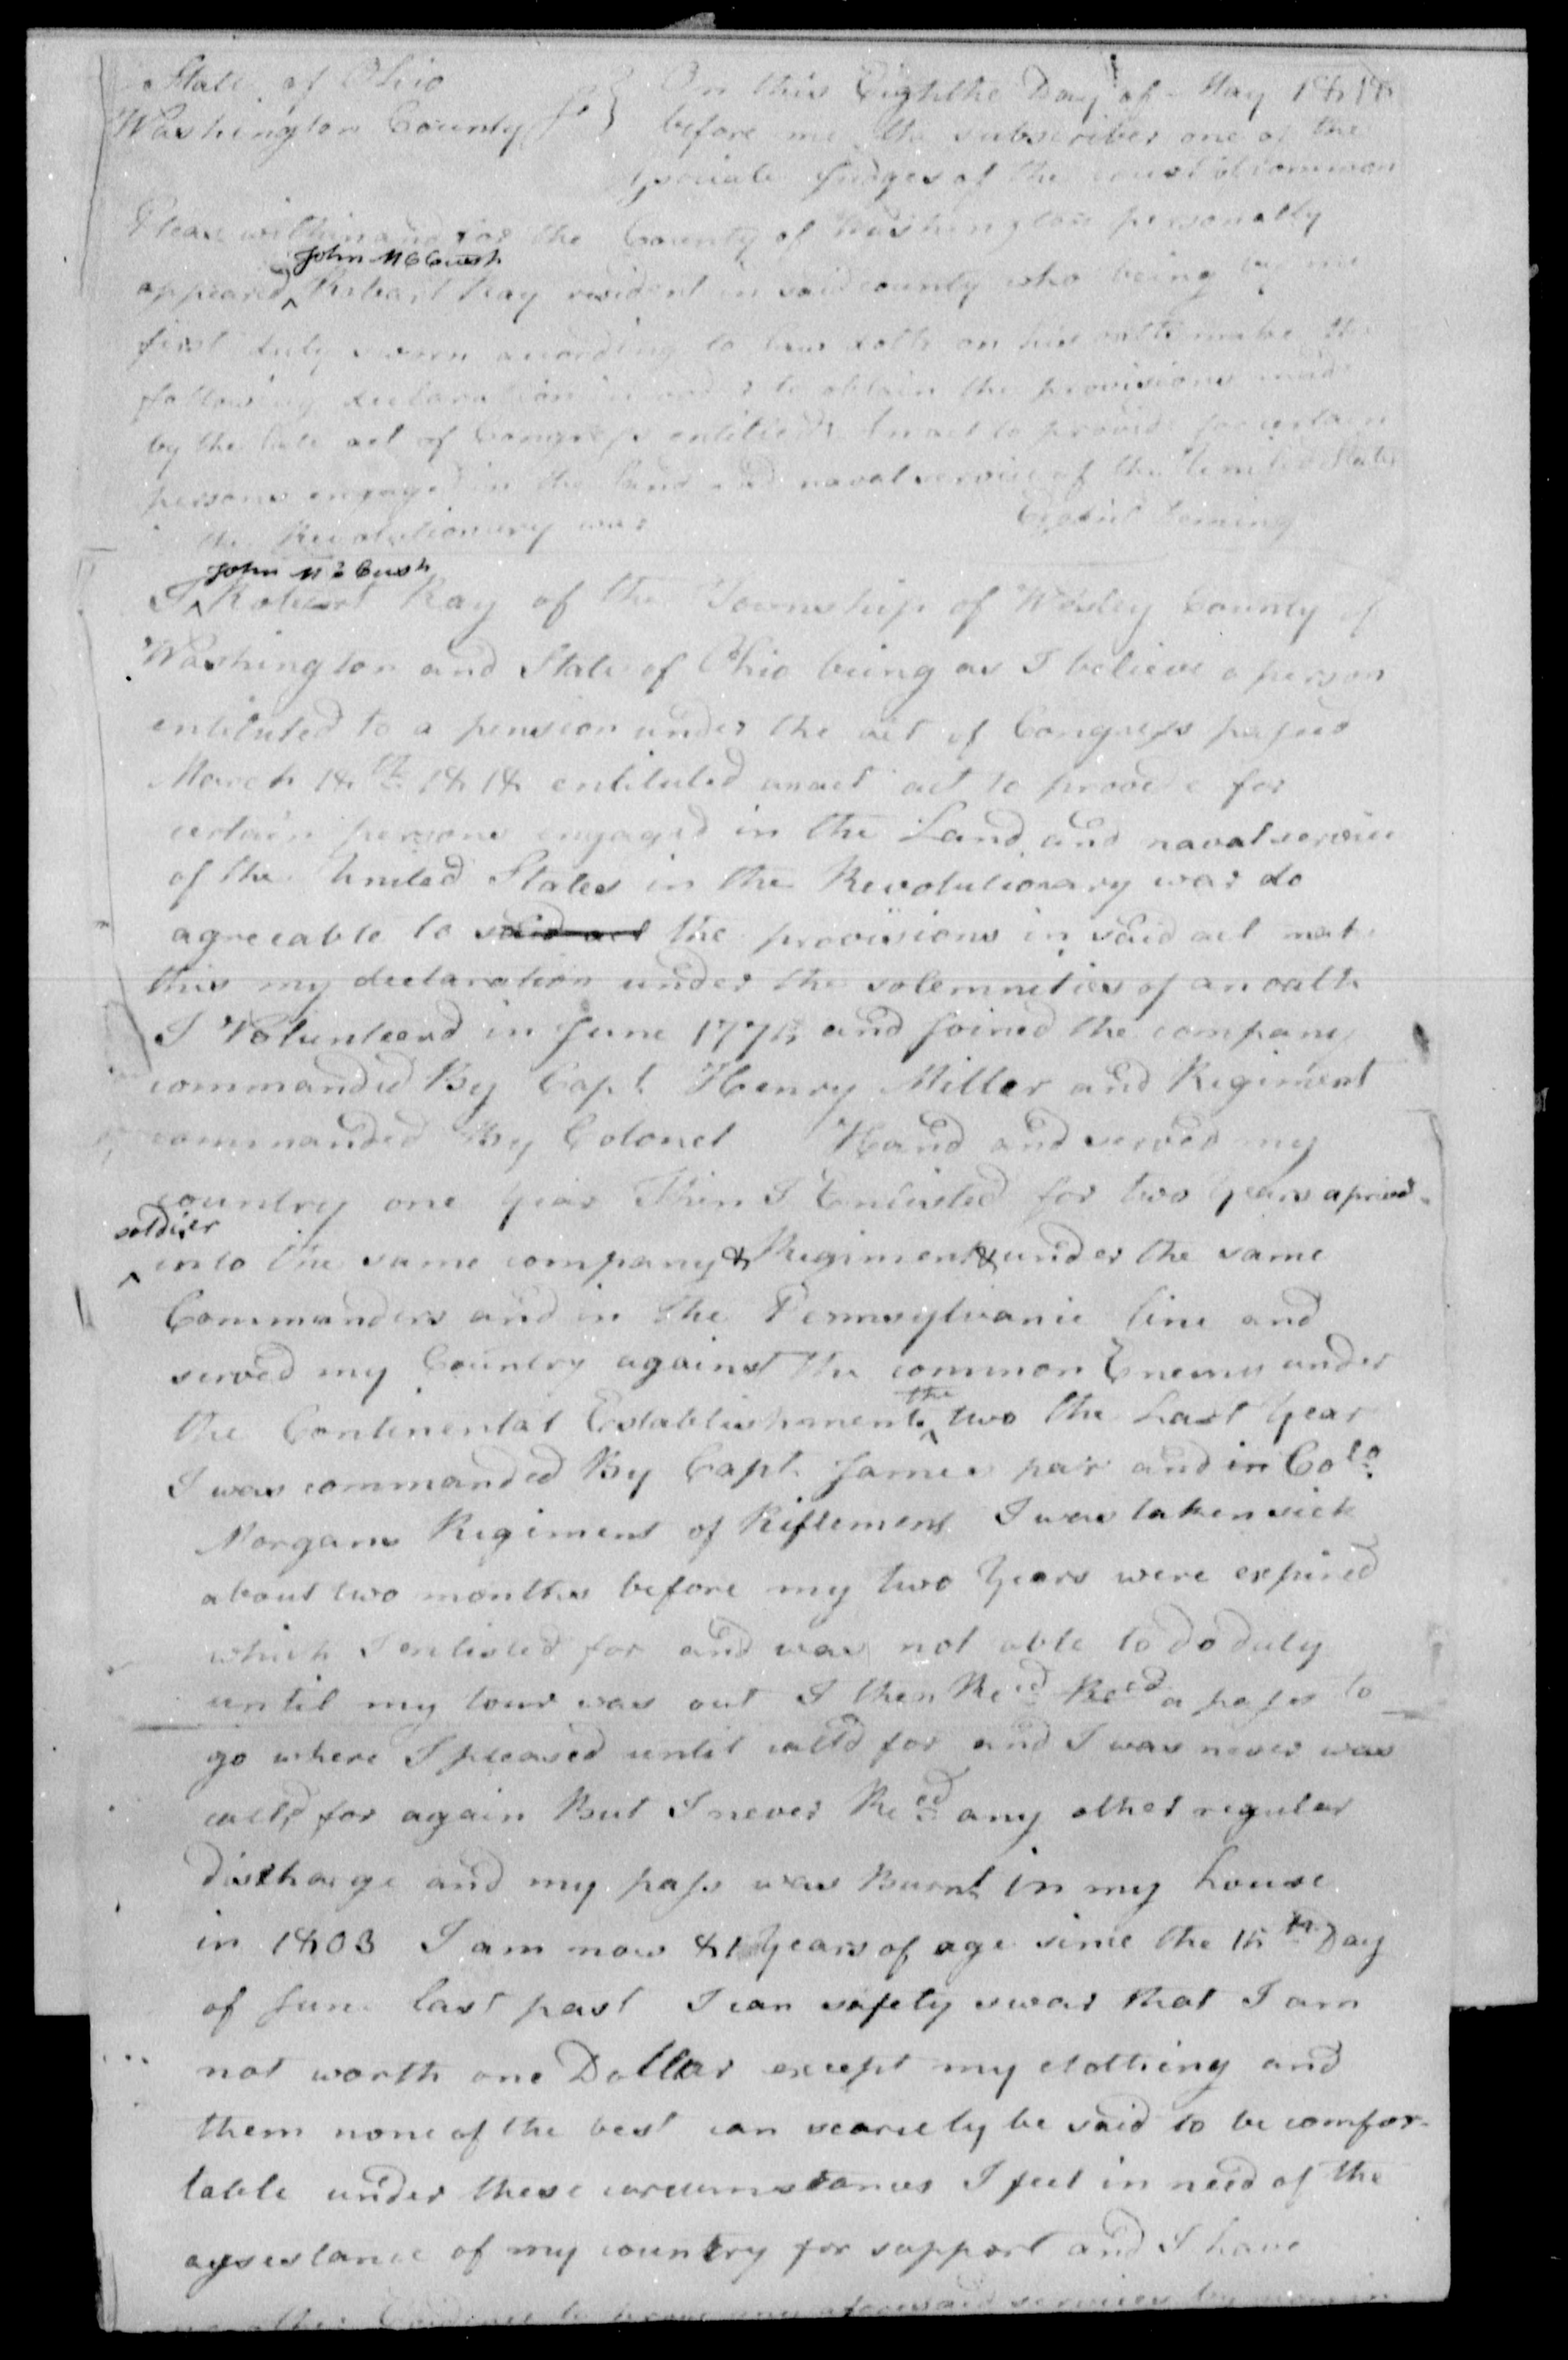State of Ohio Washington County 
On this Eighth day of May 1818 Before me the subscriber one of the special judges of the Court of Common Please within the said county of Washinton personally appeared John McCush   Robert Ray resident of the same county who being duly sworn according to the law doth on his [illegible} does make the following declaration to obtain the provisions made by the late act of Congress entitled  An Act to provide for certain persons engaged in the land and naval service of the United States in the Revolutionary War [illegible]
I John McCush resident Ray of the Township of Wesley County of Washington and State of Ohio being as I believe a person entitled to a pension under the act of Congress passed March 14th 1818 entitled and act to provide for certain persons engaged in the land and naval service of the United States in the Revolutionary war   Agreeable to the provision in the said act this my declaration under the solemnities of an oath   I volunteered in June 1774 and joined the Company commanded by Capt Henry Miller and Regiment commanded by Colonel Hand and served my country one year. Then I enlisted for two years [illegible] a soldier into the same Company Regiment and under the same Commanders and in the Pennsylvania line and served my Country against the common Enemies under the Continental Establishment the two the Last Years   I was commanded By Capt James and in Colo Morgans Regiment of Rifleman  I was taken sick about two months before my two years were expired which I enlisted for and I was not able to do duty until my  [illegible] was out I then Recd a paper to go where I pleased until called for and I was never called for again But I never Recd any other regular Discharge and my pass was Burnt in my house in 1803  I am now 81 years of age since the 14th day of June last passed  I can safely swear that I am not worth one Dollar except my clothing and then none of the best can scarcely be said to be comfortable under those circumstances  I feel in need of the assistance of my country for support and I have  [illegible]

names: John Mc Cush; Robert Ray; Robert Ray; Henry Miller; John Mc Cush; James [BLANK]; [BLANK] Howard; Ezekiel Deming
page: 7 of 20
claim: survivor's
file: S. 40,990, for John Mc Cush Robert Ray, Pennsylvania